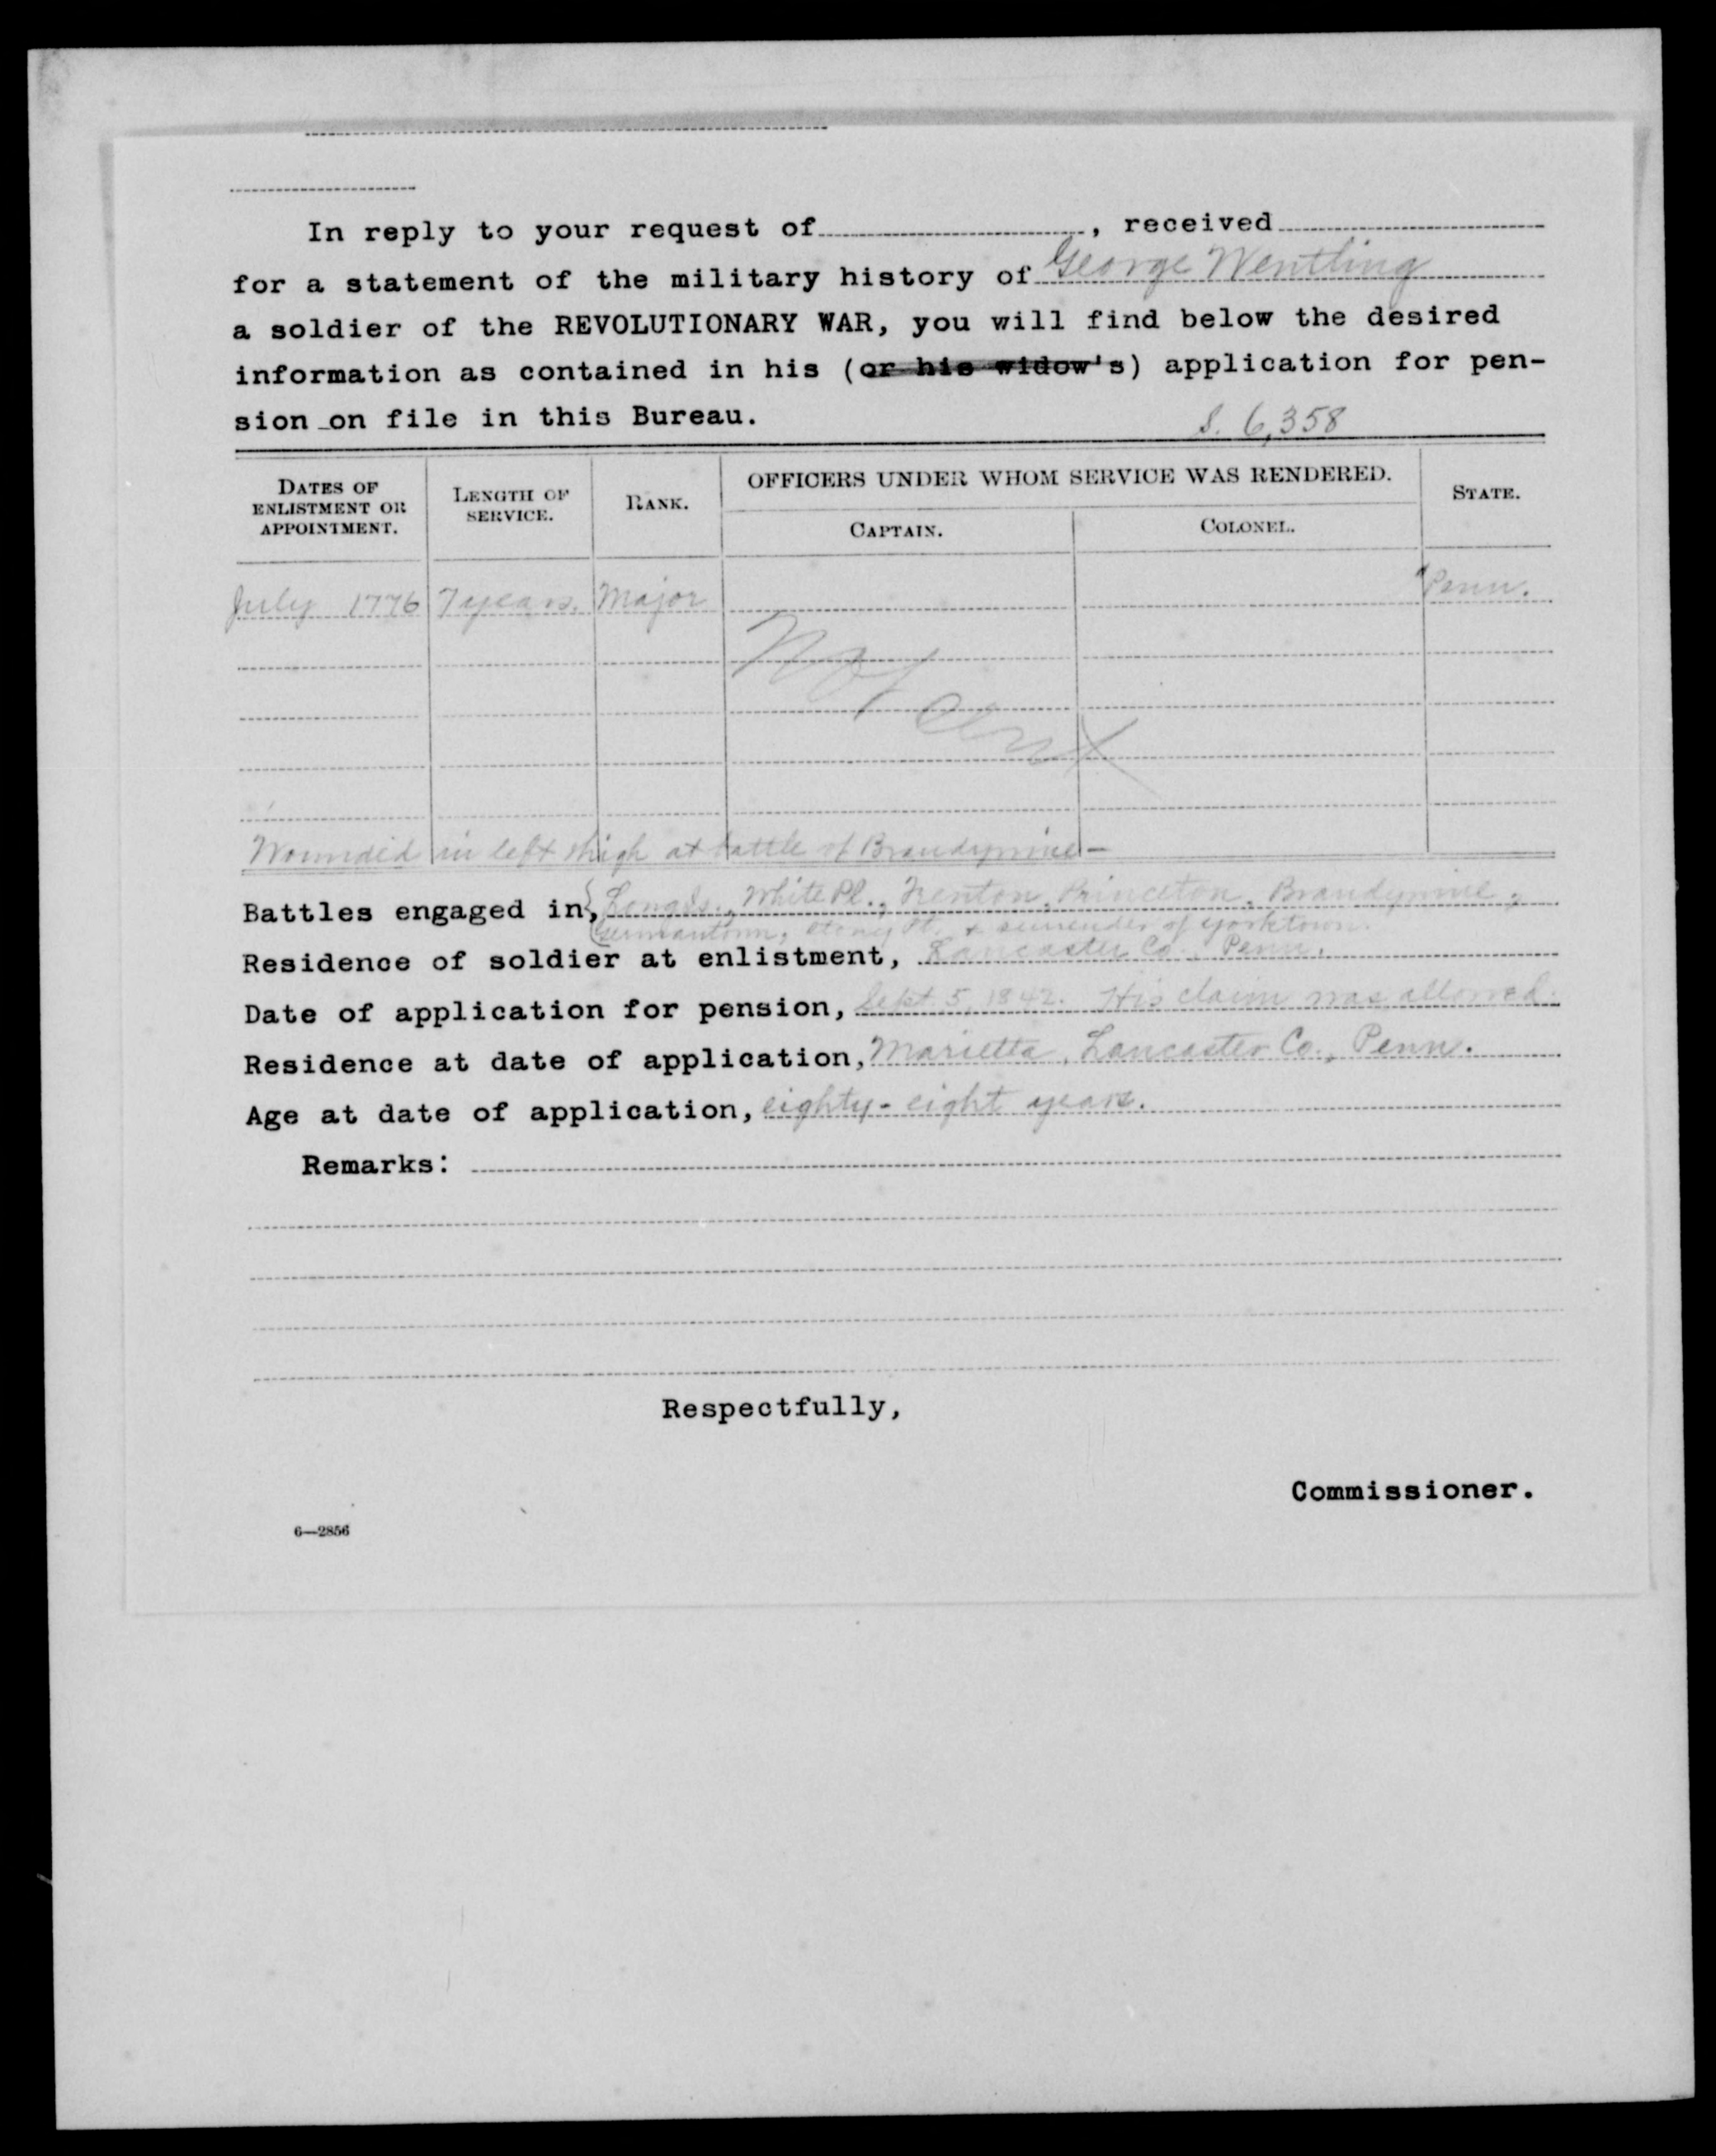In reply to your request of _______________
received _________________________ for a statement of the military history of George Wentling a soldier of the REVOLUTIONARY WAR, you will find below the desired
information as contained in his (or his widow's) application for pension on file in this Bureau.  S. 6358
DATES OF ENLISTMENT OR APPOINTMENT.
July 1776
LENGTH OF SERVICE.     7 years
RANK. Major
OFFICERS UNDER WHOM SERVICE WAS RENDERED.
CAPTAIN. Not eint
COLONEL.
STATE.
Penn.
wounded in left thigh at battle of Brandywine -
Battles engaged in, Long Is. , White Pl. Trenton, Princeton, Brandywine
Germanton, Stony Pt & surrender of Yorktown.
Residence of soldier at enlistment, Lancaster Co.  Penn.
Date of application for pension, Sept 5, 1842 His claim was allowed
Residence at date of application, Marietta, Lancaster Co. Penn.
Age at date of application, eighty-eight years.
Remarks.
Respectfully,
6 -- 2856
Commissioner.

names: George Wentling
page: 6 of 68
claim: survivor's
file: S. 6,358, George Wentling, Penn.